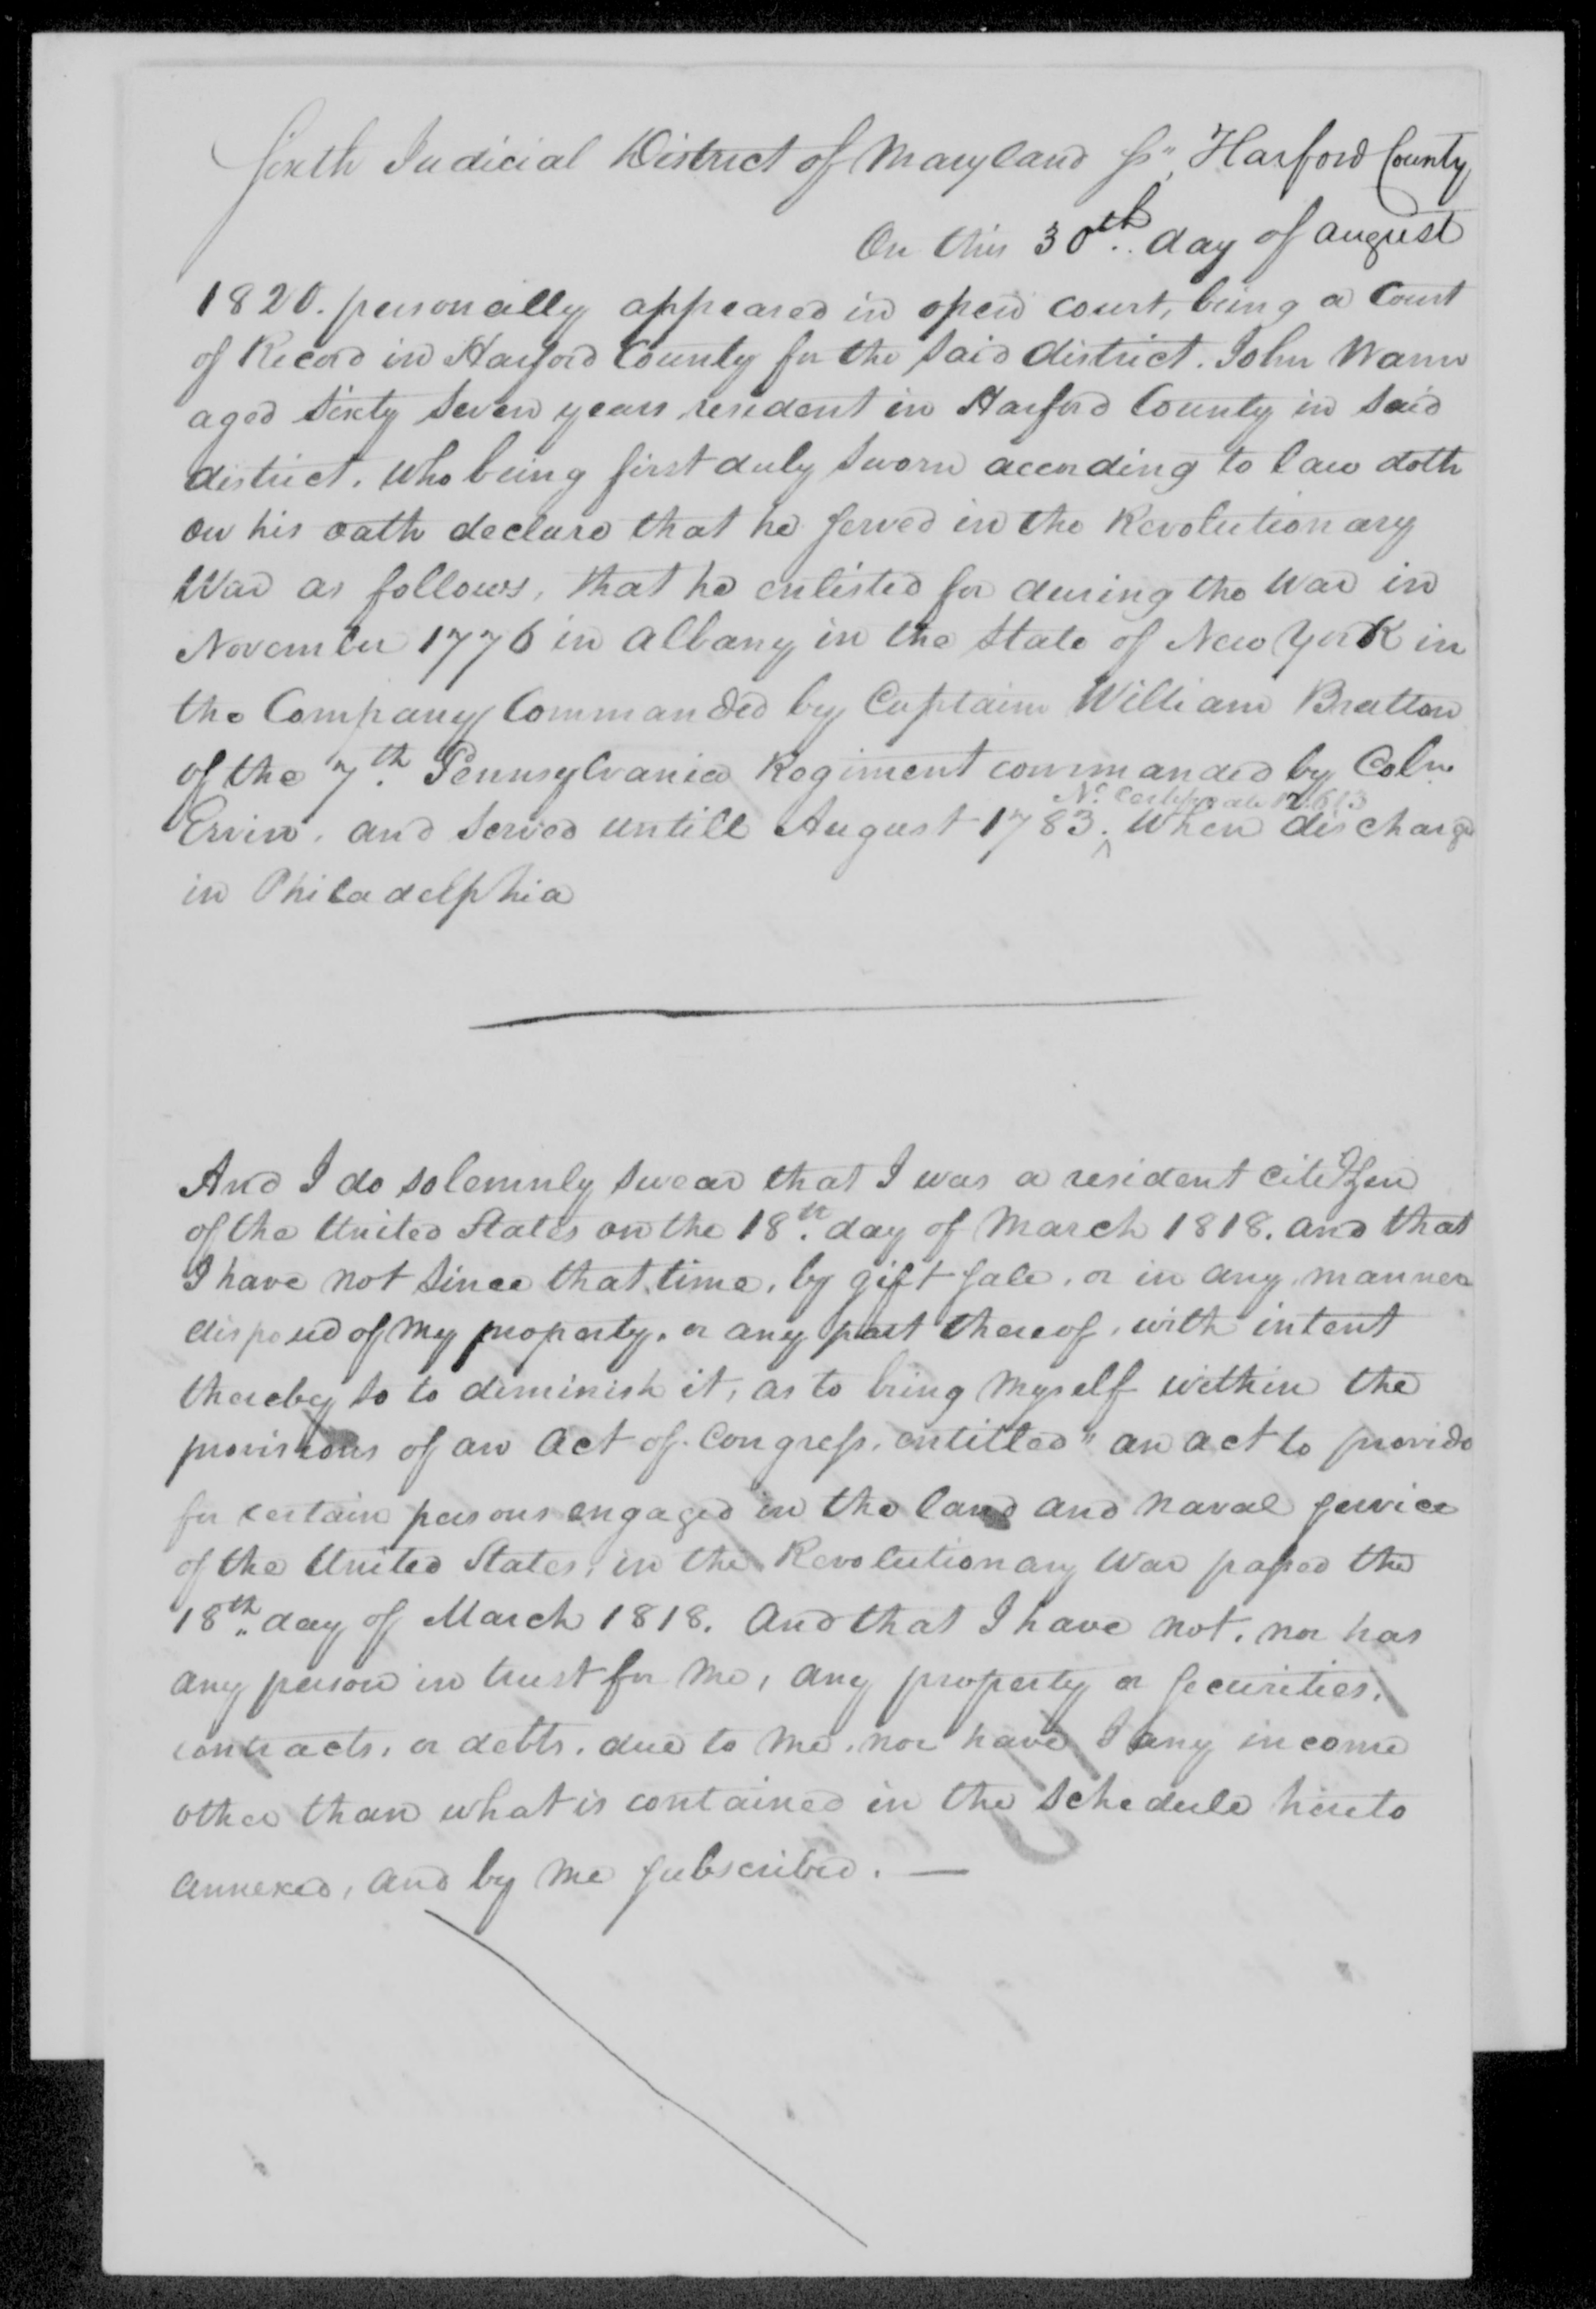Sixth Judicial District of Maryland [illegible] Harford County
On this 30th day of August 1820. personally appeared in open court, being a Court of Record in Harford County for the said district, John Wann aged sixty seven years resident in Harford County in said district, who being first duly sworn according to law doth on his oath declare that he served in the Revolutionary War as follows, that he enlisted for during the war in November 1776 in Albany in the State of New York in the Company commanded by Captain William Bratton of the 7th Pennsylvania Regiment commanded by Coln. [Colonel] Ervin and served untill August 1783 No. Certificate 12.613 when discharged in Philadelphia
And I do solemnly swear that I was a resident citizen of the United States on the 18th day of March 1818, and that I have not since that time, by gift sale, or in any manner disposed of my property, or any part thereof, with intent thereby so to diminish it, as to bring myself within the provisions of an act of Congress, entitled "an act to provide for certain persons engaged in the land and naval service of the United States, in the Revolutionary War passed the 18th day of March 1818. And that I have not, nor has any person in trust for me, any property or securities, contracts, or debts due to me, nor have I any income other than what is contained in the schedule hereto annexed, and by me subscribed.-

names: Ervin, John Wann, William Bratton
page: 4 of 38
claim: widow's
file: W. 3899, John Wann, Penn.